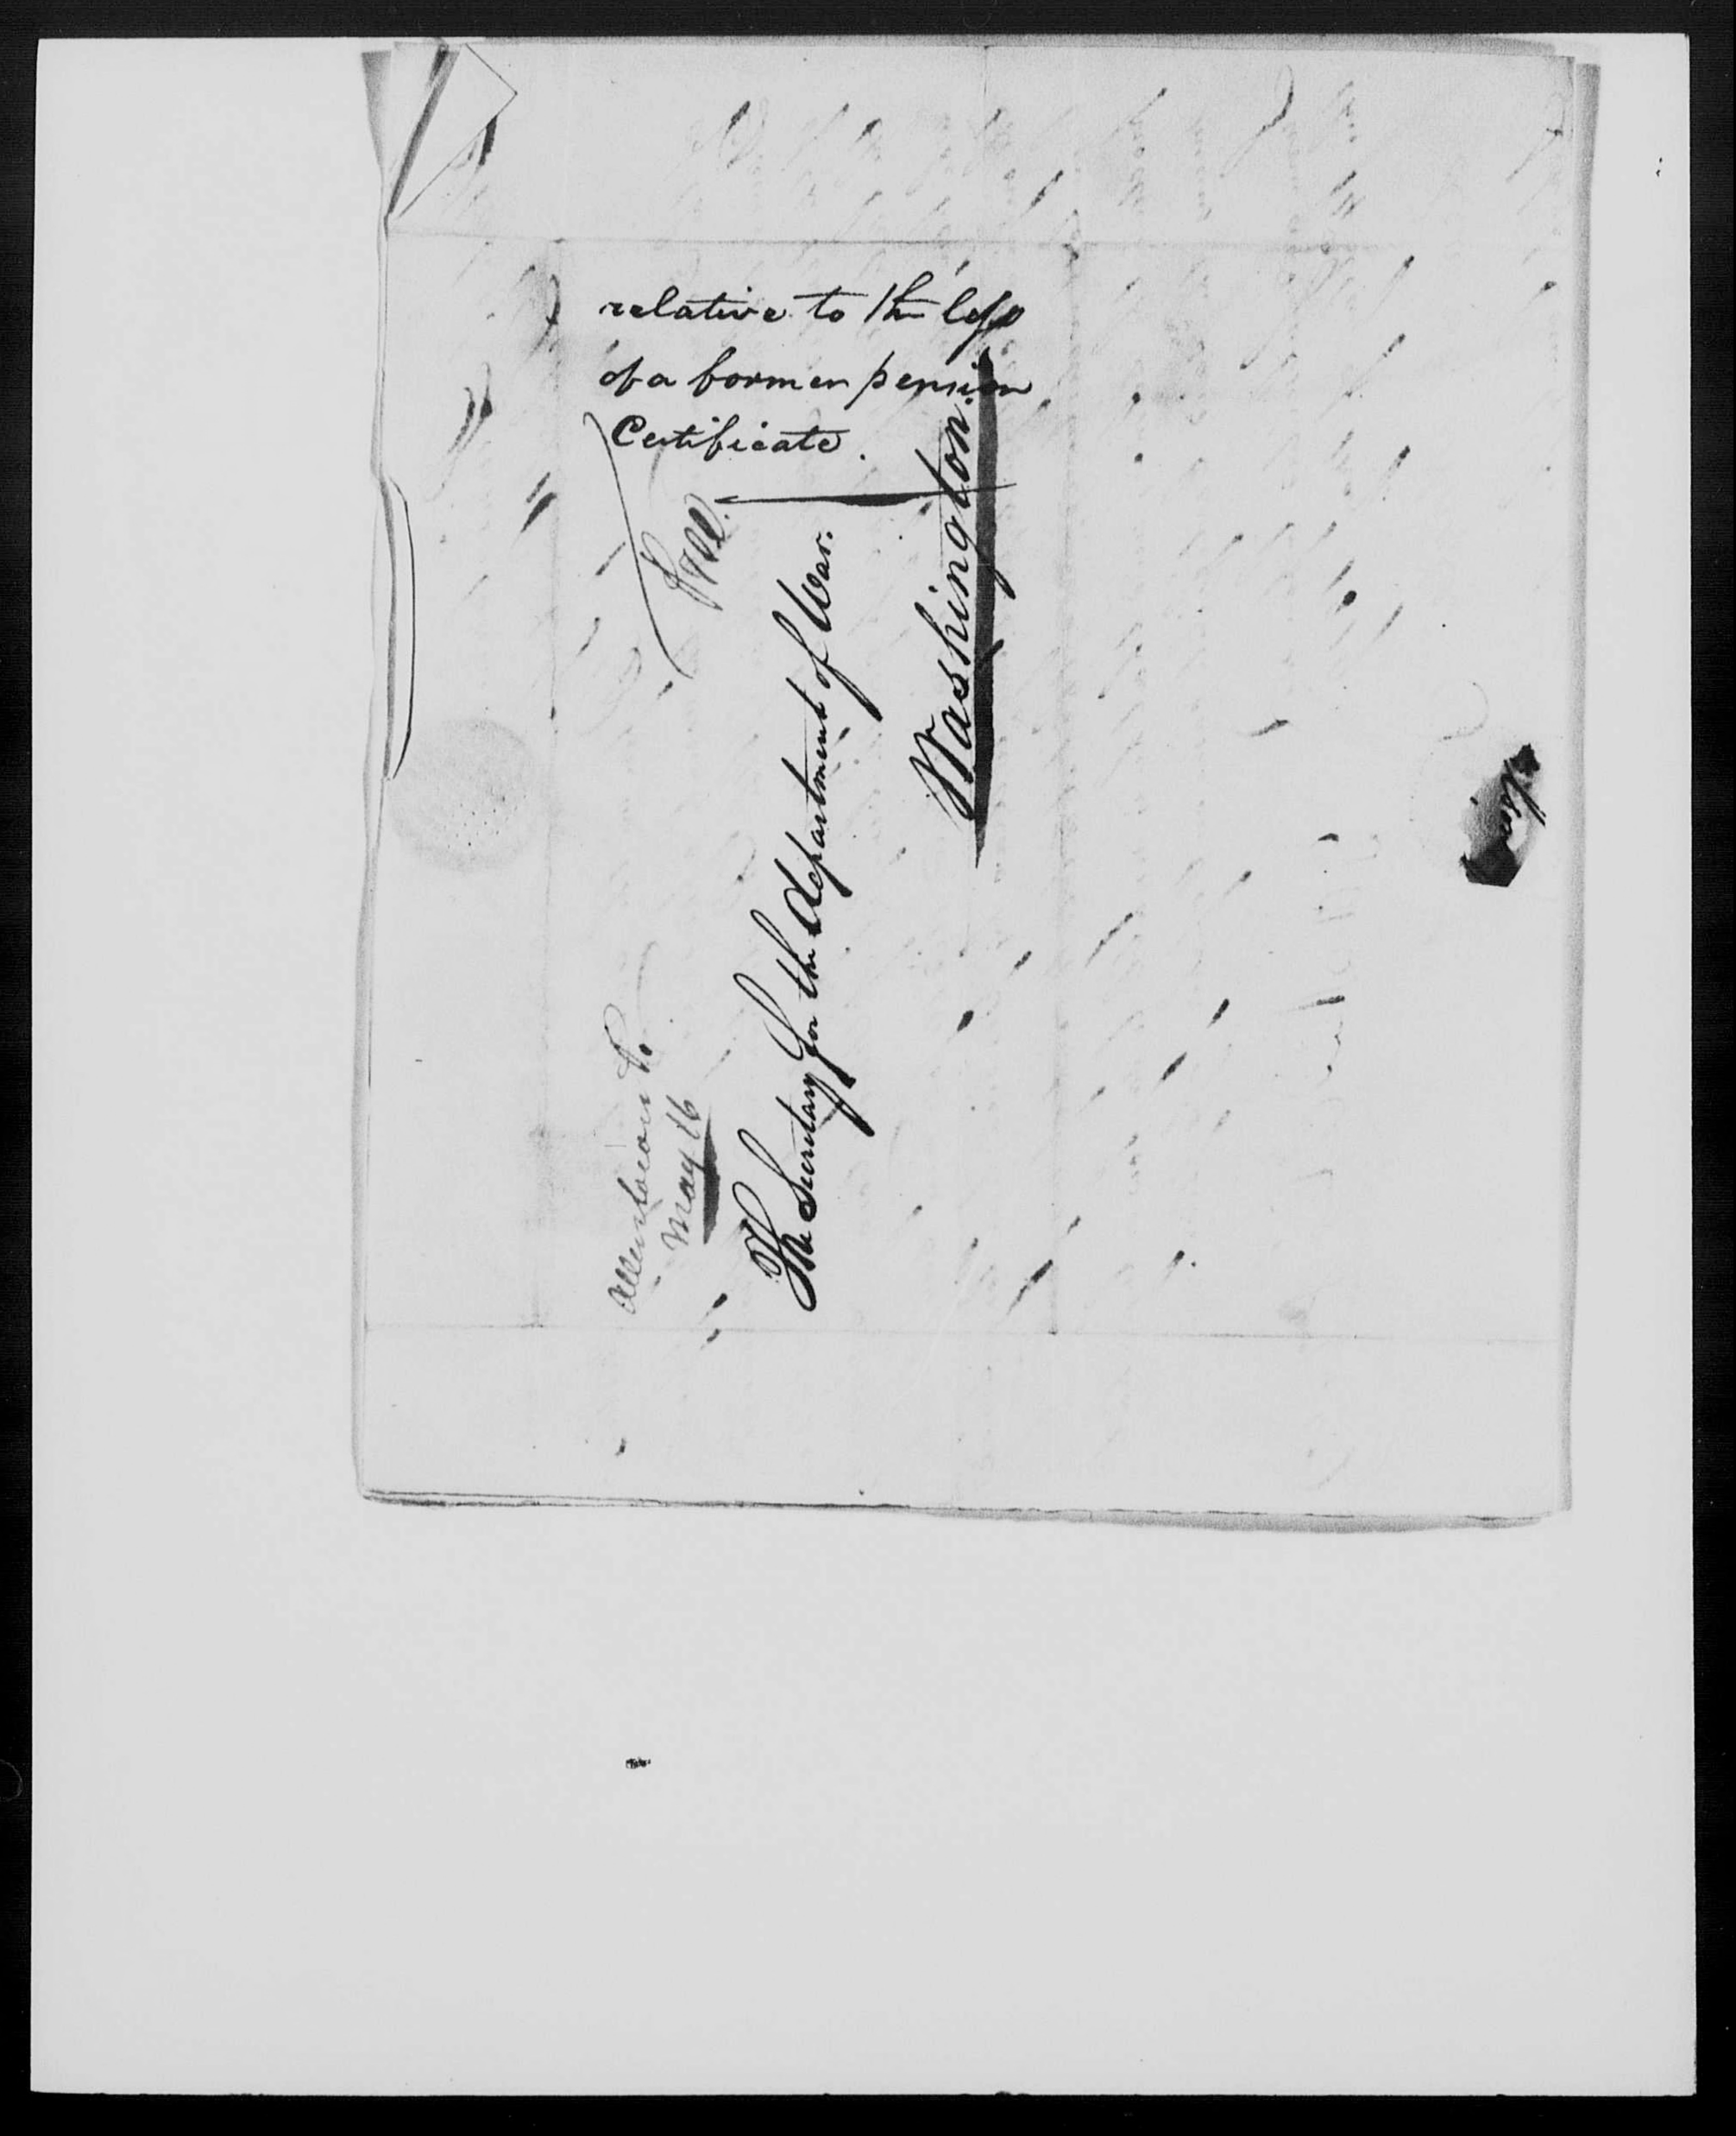relative to the loss
of a form in pension
certificate.

Free

Allentown Pa
May 16

The Secretary for the Department of War.
Washington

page: 8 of 17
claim: survivor's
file: S. 39928, David Alshouse, Penn.